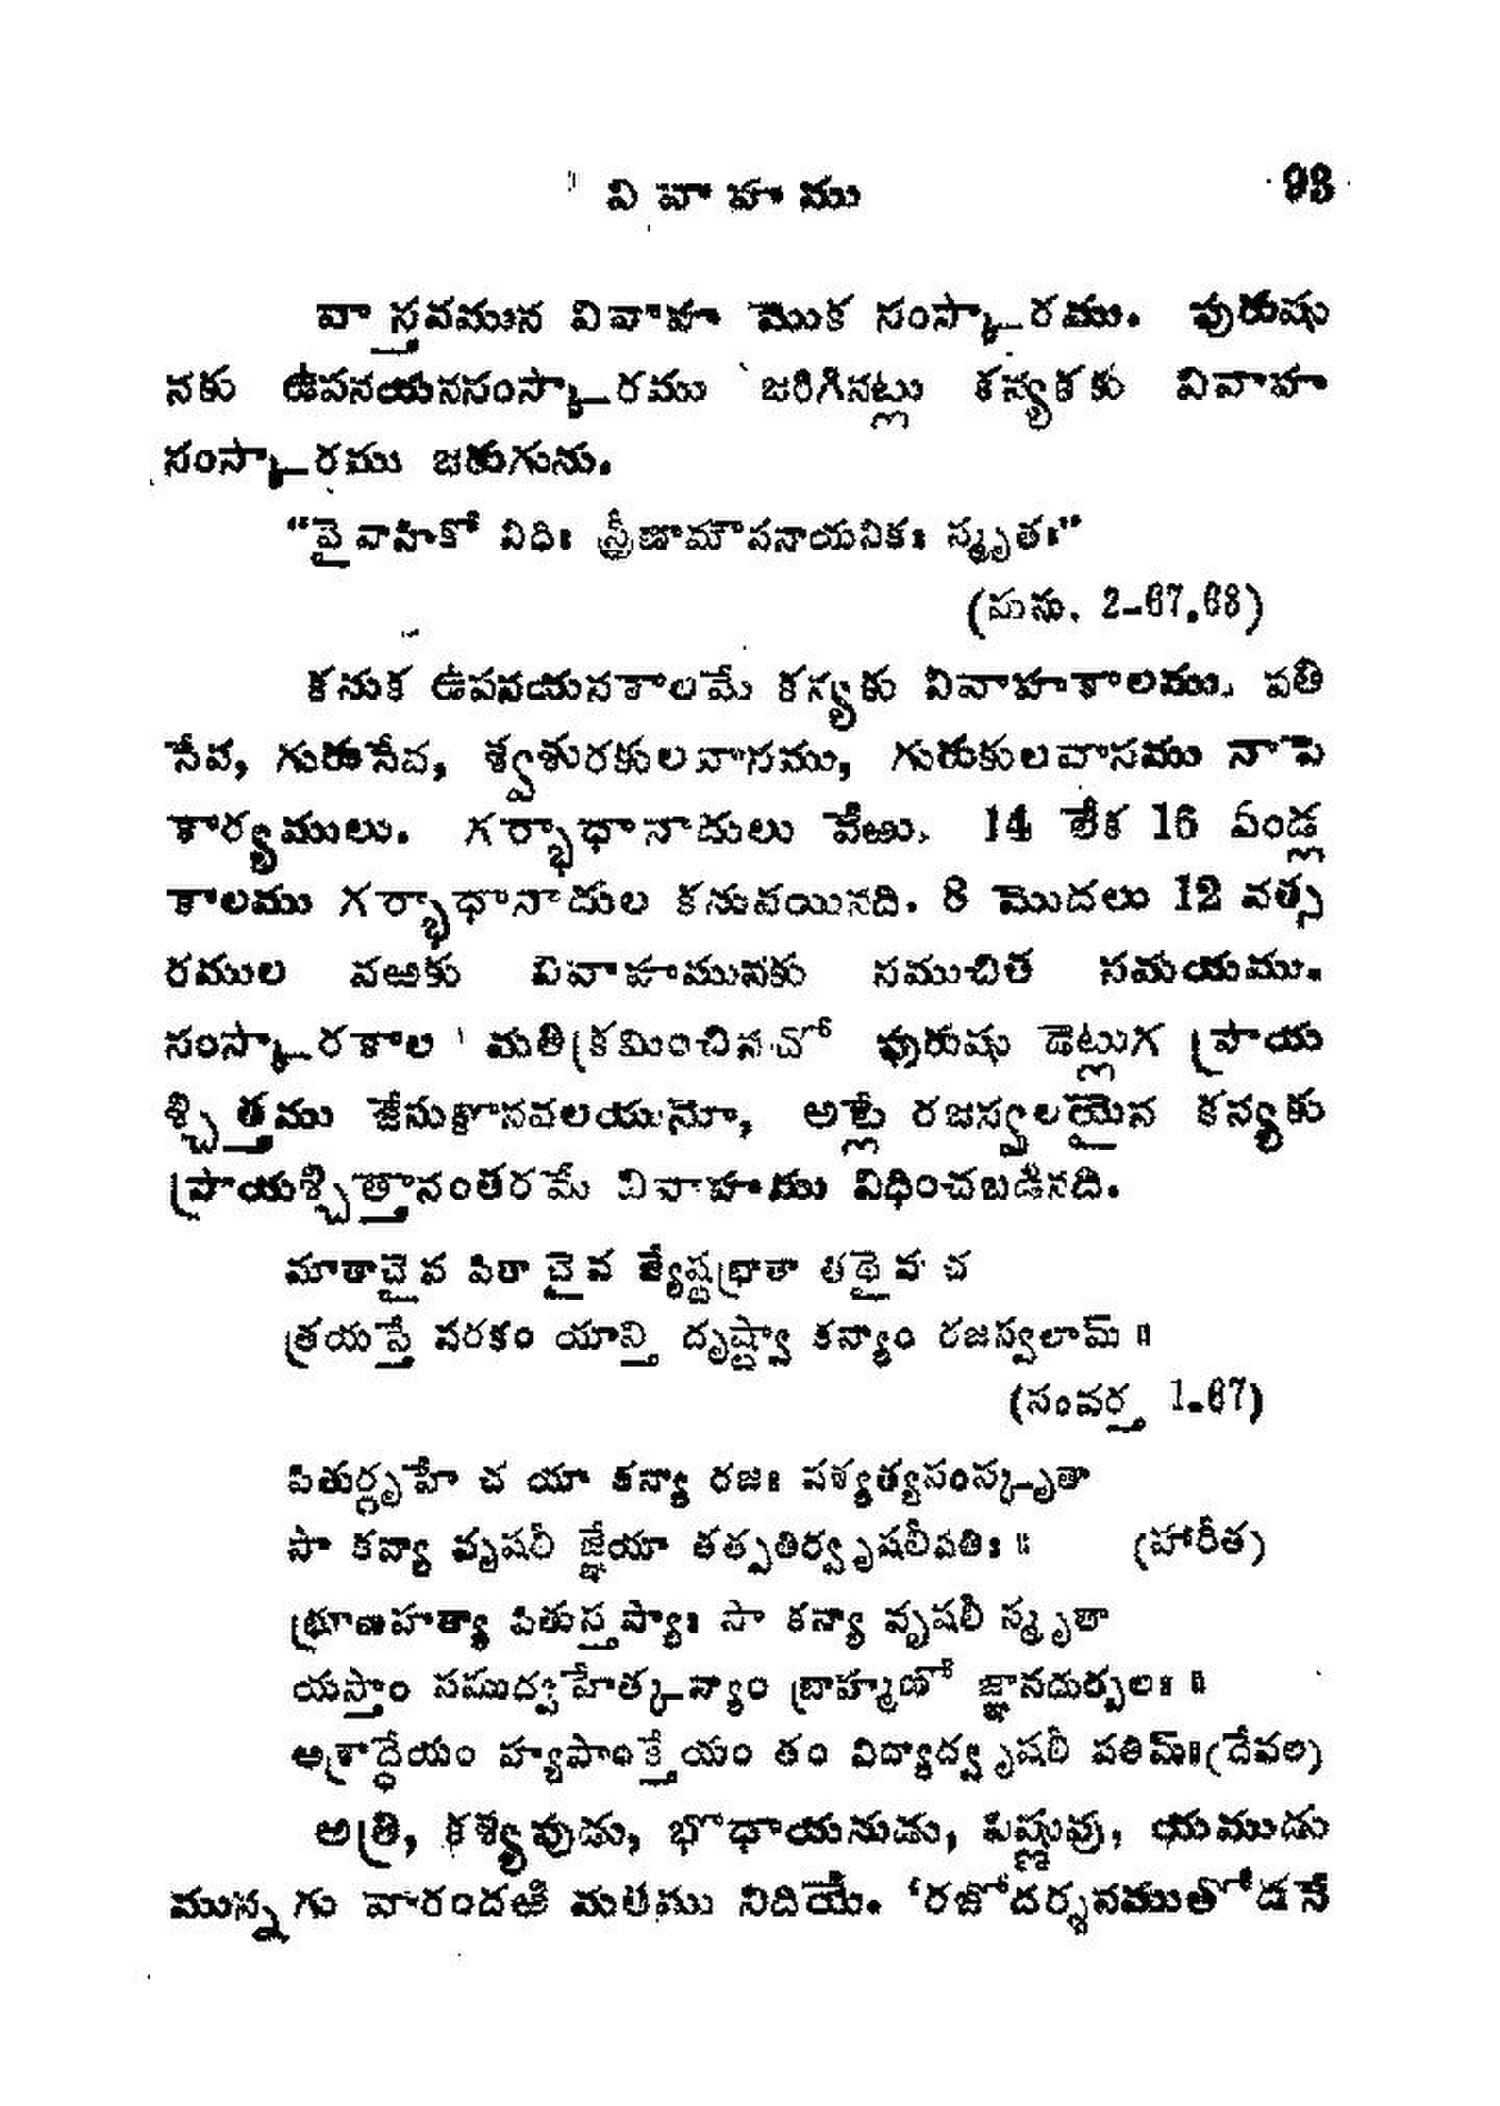వాస్తవమున వివాహ మొక సంస్కారము. పురుషునకు 
ఉపనయన సంస్కారము జరిగినట్లు కన్యకకు వివాహ
సంస్కారము జరుగును.

"వైవాహికో విధిః స్త్రీణామౌపనాయనికః స్మృతః"
 (మను. 2-67,68)

కనుక ఉపనయనకాలమే కన్యకు వివాహకాలము. పతి
సేవ, గురుసేవ, శ్వశురకులవాసము, గురుకులవాసము నాపె
కార్యములు, గర్భాధానాదులు వేఱు, 14 లేక 16 ఏండ్ల
కాలము గర్భాధానాదుల కనువయినది. 8 మొదలు 12 వత్స
రముల వఱకు వివాహమునకు సముచిత సమయము.
సంస్కారకాల మతిక్రమించినచో పురుషు డెట్లుగ ప్రాయ
శ్చిత్తము జేసుకొనవలయునో , అట్లే రజస్వలయైన కన్యకు
ప్రాయశ్చిత్తానంతరమే వివాహము విధించబడినది.

మాతాచైవ పితా చైవ జ్యేష్టభ్రాతా తథైవ చ
త్రయస్తే నరకం యాన్తి దృష్ట్వా కన్యాం రజస్వలామ్ |
 (సంవర్త 1.67)

పితుర్దృహే చ యా కన్యా రజః పశ్యత్యసంస్కృతా
సా కన్యా వృషలీ జ్ఞేయా తత్పతిర్వృషలీపతిః
 (హారీత)
 
భ్రూణహత్యా పితుస్తస్యాః సా కన్యా వృషలీ స్మృతా
యస్తాం సముద్వహేత్కన్యాం బ్రాహ్మణో జ్ఞానదుర్బలః
అశ్రద్ధేయం హ్యపాంక్తేయం తం విద్యాద్వృషలీ పతిమ్ 
 (దేవల)
 
అత్రి, కశ్యపుడు, భోధాయనుడు, విష్ణువు, యముడు
మున్నగు వారందఱి మతము నిదియే. 'రజోదర్శనముతోడనే